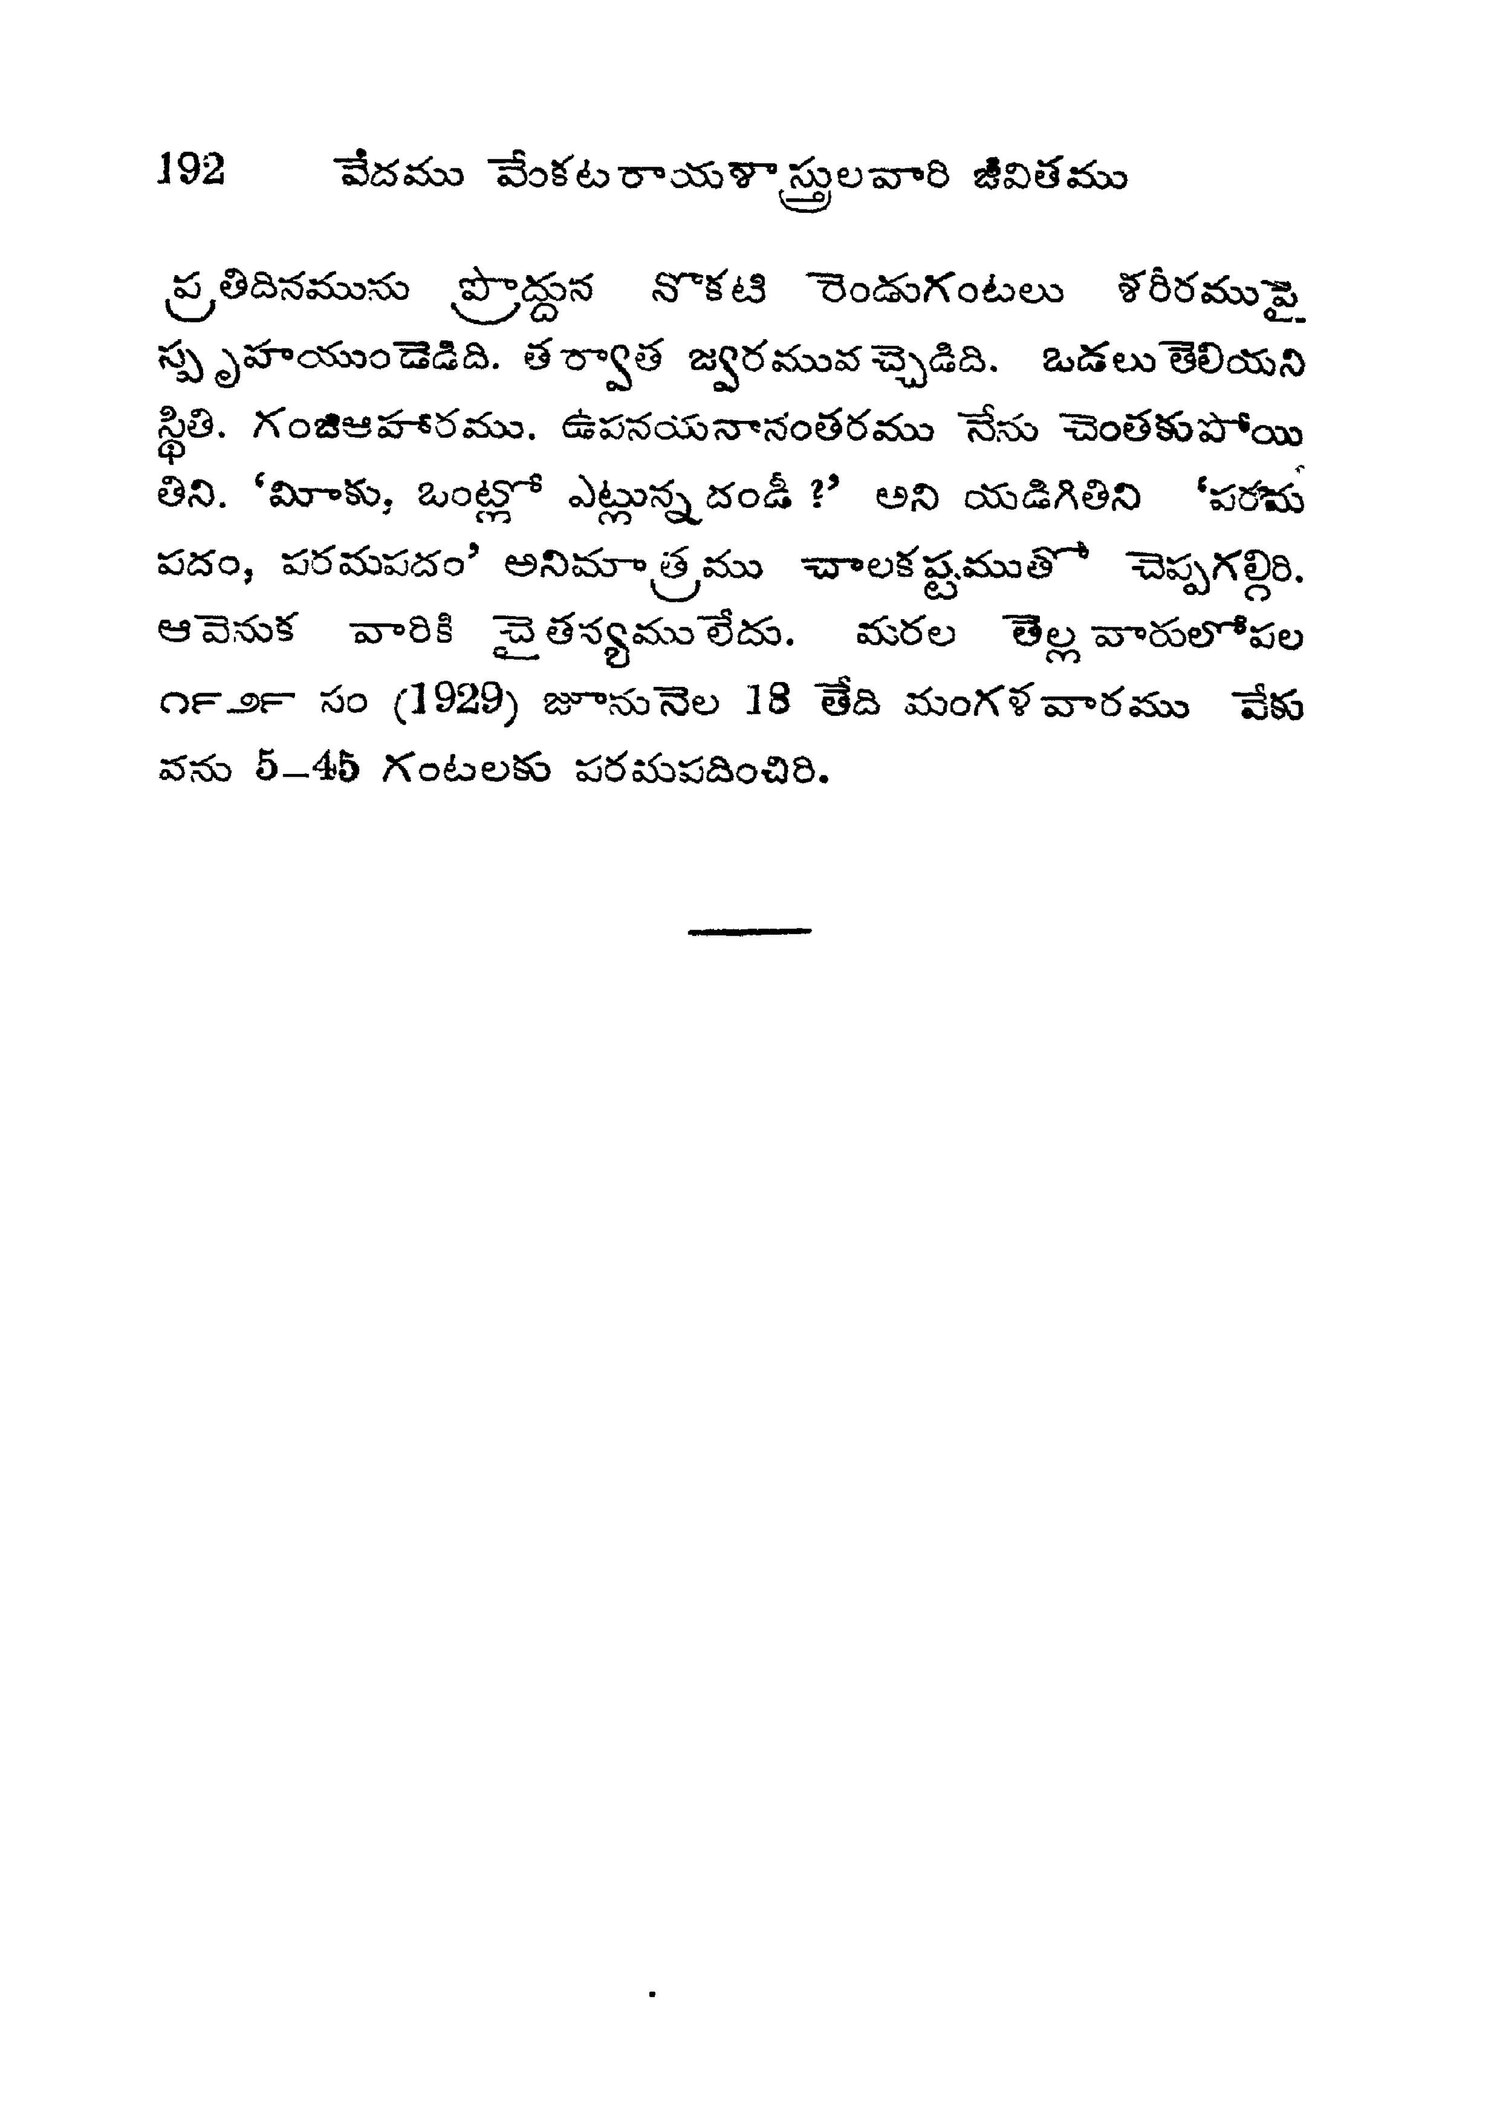ప్రతిదినమును ప్రొద్దున నొకటి రెండుగంటలు శరీరముపై స్పృహయుండెడిది. తర్వాత జ్వరము వచ్చెడిది. ఒడలు తెలియనిస్థితి. గంజి ఆహారము. ఉపనయనానంతరము నేను చెంతకుపోయితిని. 'మీకు, ఒంట్లో ఎట్లున్నదండీ?' అని యడిగితిని 'పరమ పదం, పరమపదం' అనిమాత్రము చాలకష్టముతో చెప్పగల్గిరి. ఆవెనుక వారికి చైతన్యము లేదు. మరల తెల్లవారులోపల 1929 సం. (1929) జూనునెల 18 తేది మంగళవారము వేకువను 5-45 గంటలకు పరమపదించిరి.

__________